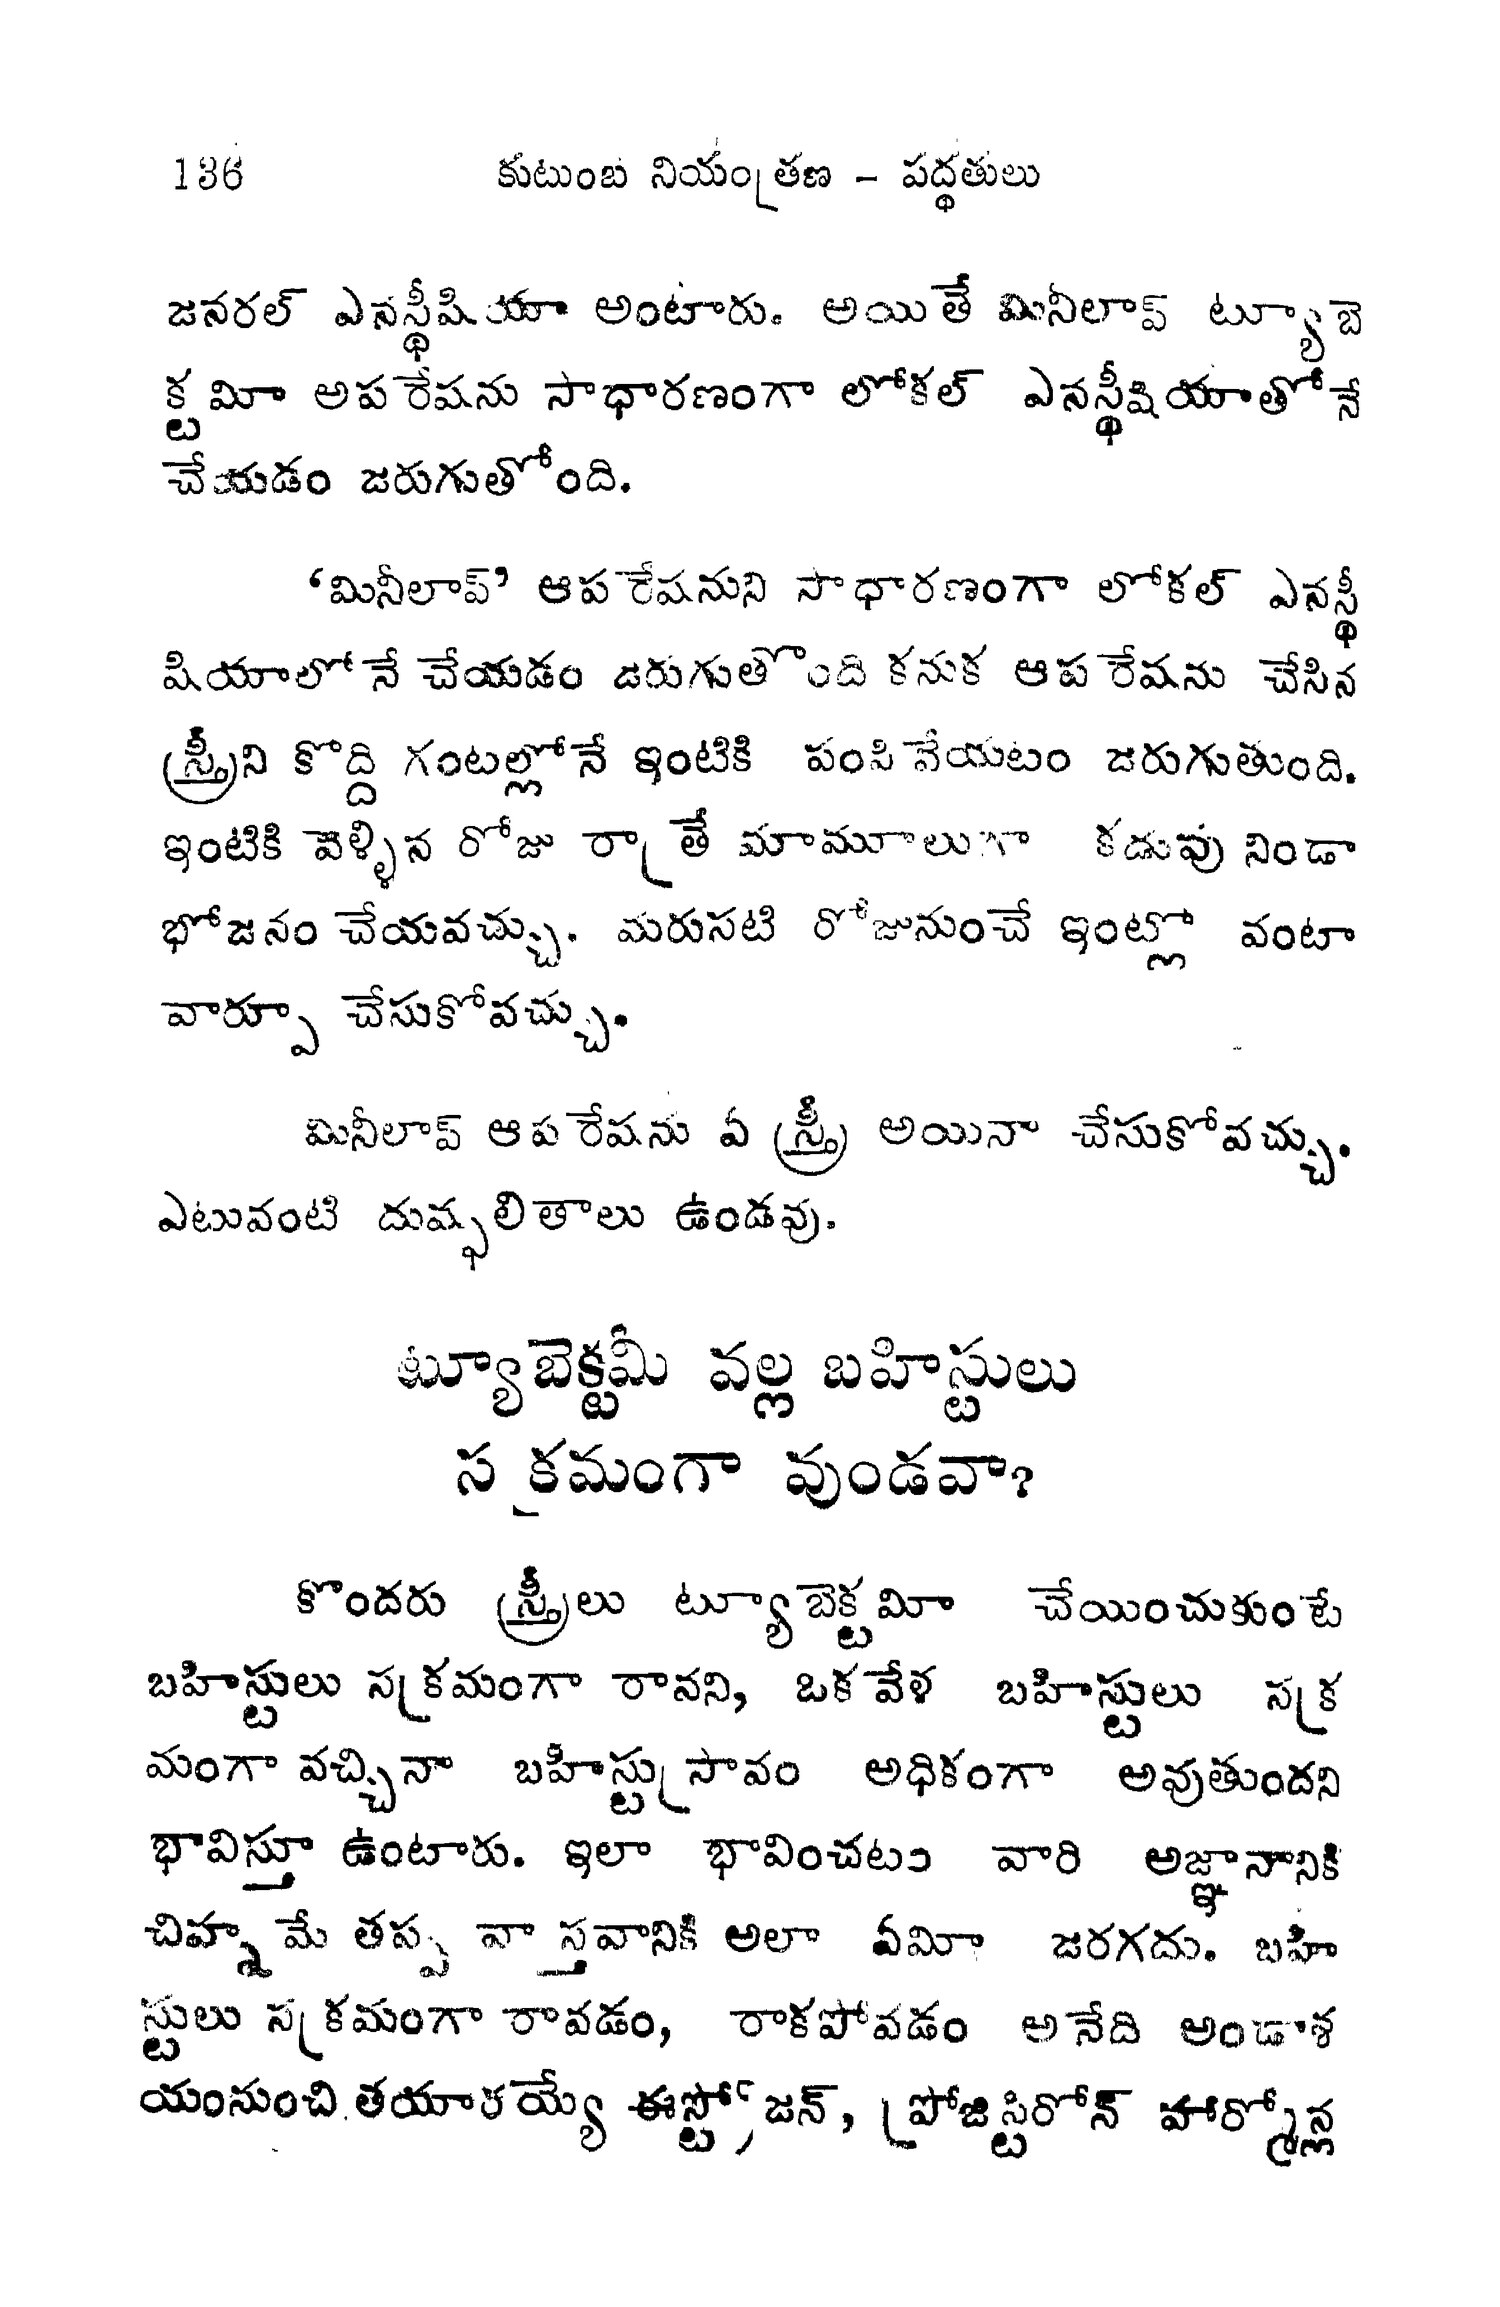జనరల్ ఎనస్థీషియా అంటారు. అయితే మినీలాప్ ట్యూబెక్టమీ ఆపరేషను సాధారణంగా లోకల్ ఎనస్థీషియాతోనే చేయడం జరుగుతోంది.

'మినీలాప్ ' ఆపరేవ్షనుని సాధారణంగా లోకల్ ఎనస్థీషియాలోనే చేయడం జరుగుతోంది కనుక ఆపరేషను చేసిన స్త్రీని కొద్ది గంటల్లోనే ఇంటికి పంపివేయటం జరుగుతుంది. ఇంటికి వెళ్ళీన రోజు రాత్రే మామూలుగా కడుపు నిండా భోజనం ఛేయవచ్చు. మరుసటి రోజునుంచే ఇంట్లో వంటావార్పూ చేసుకోవచ్చు.

మినీలాప్ ఆపరేషను ఏ స్త్రీ అయినా ఛేసుకోవచ్చు. ఎటువంటి దుష్పలితాలు ఉండవు.

కొందరు స్త్రీలు ట్యూబెక్టమీ చేయించుకుంటే బహిస్టులు సక్రమంగా రావని, ఒకవేళ బహిస్టులు సక్రమంగా వచ్చినా బహిస్టుస్రావం అధికంగా అవుతుందని భావిస్తూ ఉంటారు. ఇలా భావించటం వారి అజ్ఞానానికి చిహ్నమే తప్ప వాస్తవానికి అలా ఏమీ జరగదు. బహిస్టులు సక్రమంగా రావడం, రాకపొవడం అనేది అండాశయంనుంచి తయారయ్యే ఈస్ట్రోజన్, ప్రొజిస్టిరోన్ హార్మోన్ల